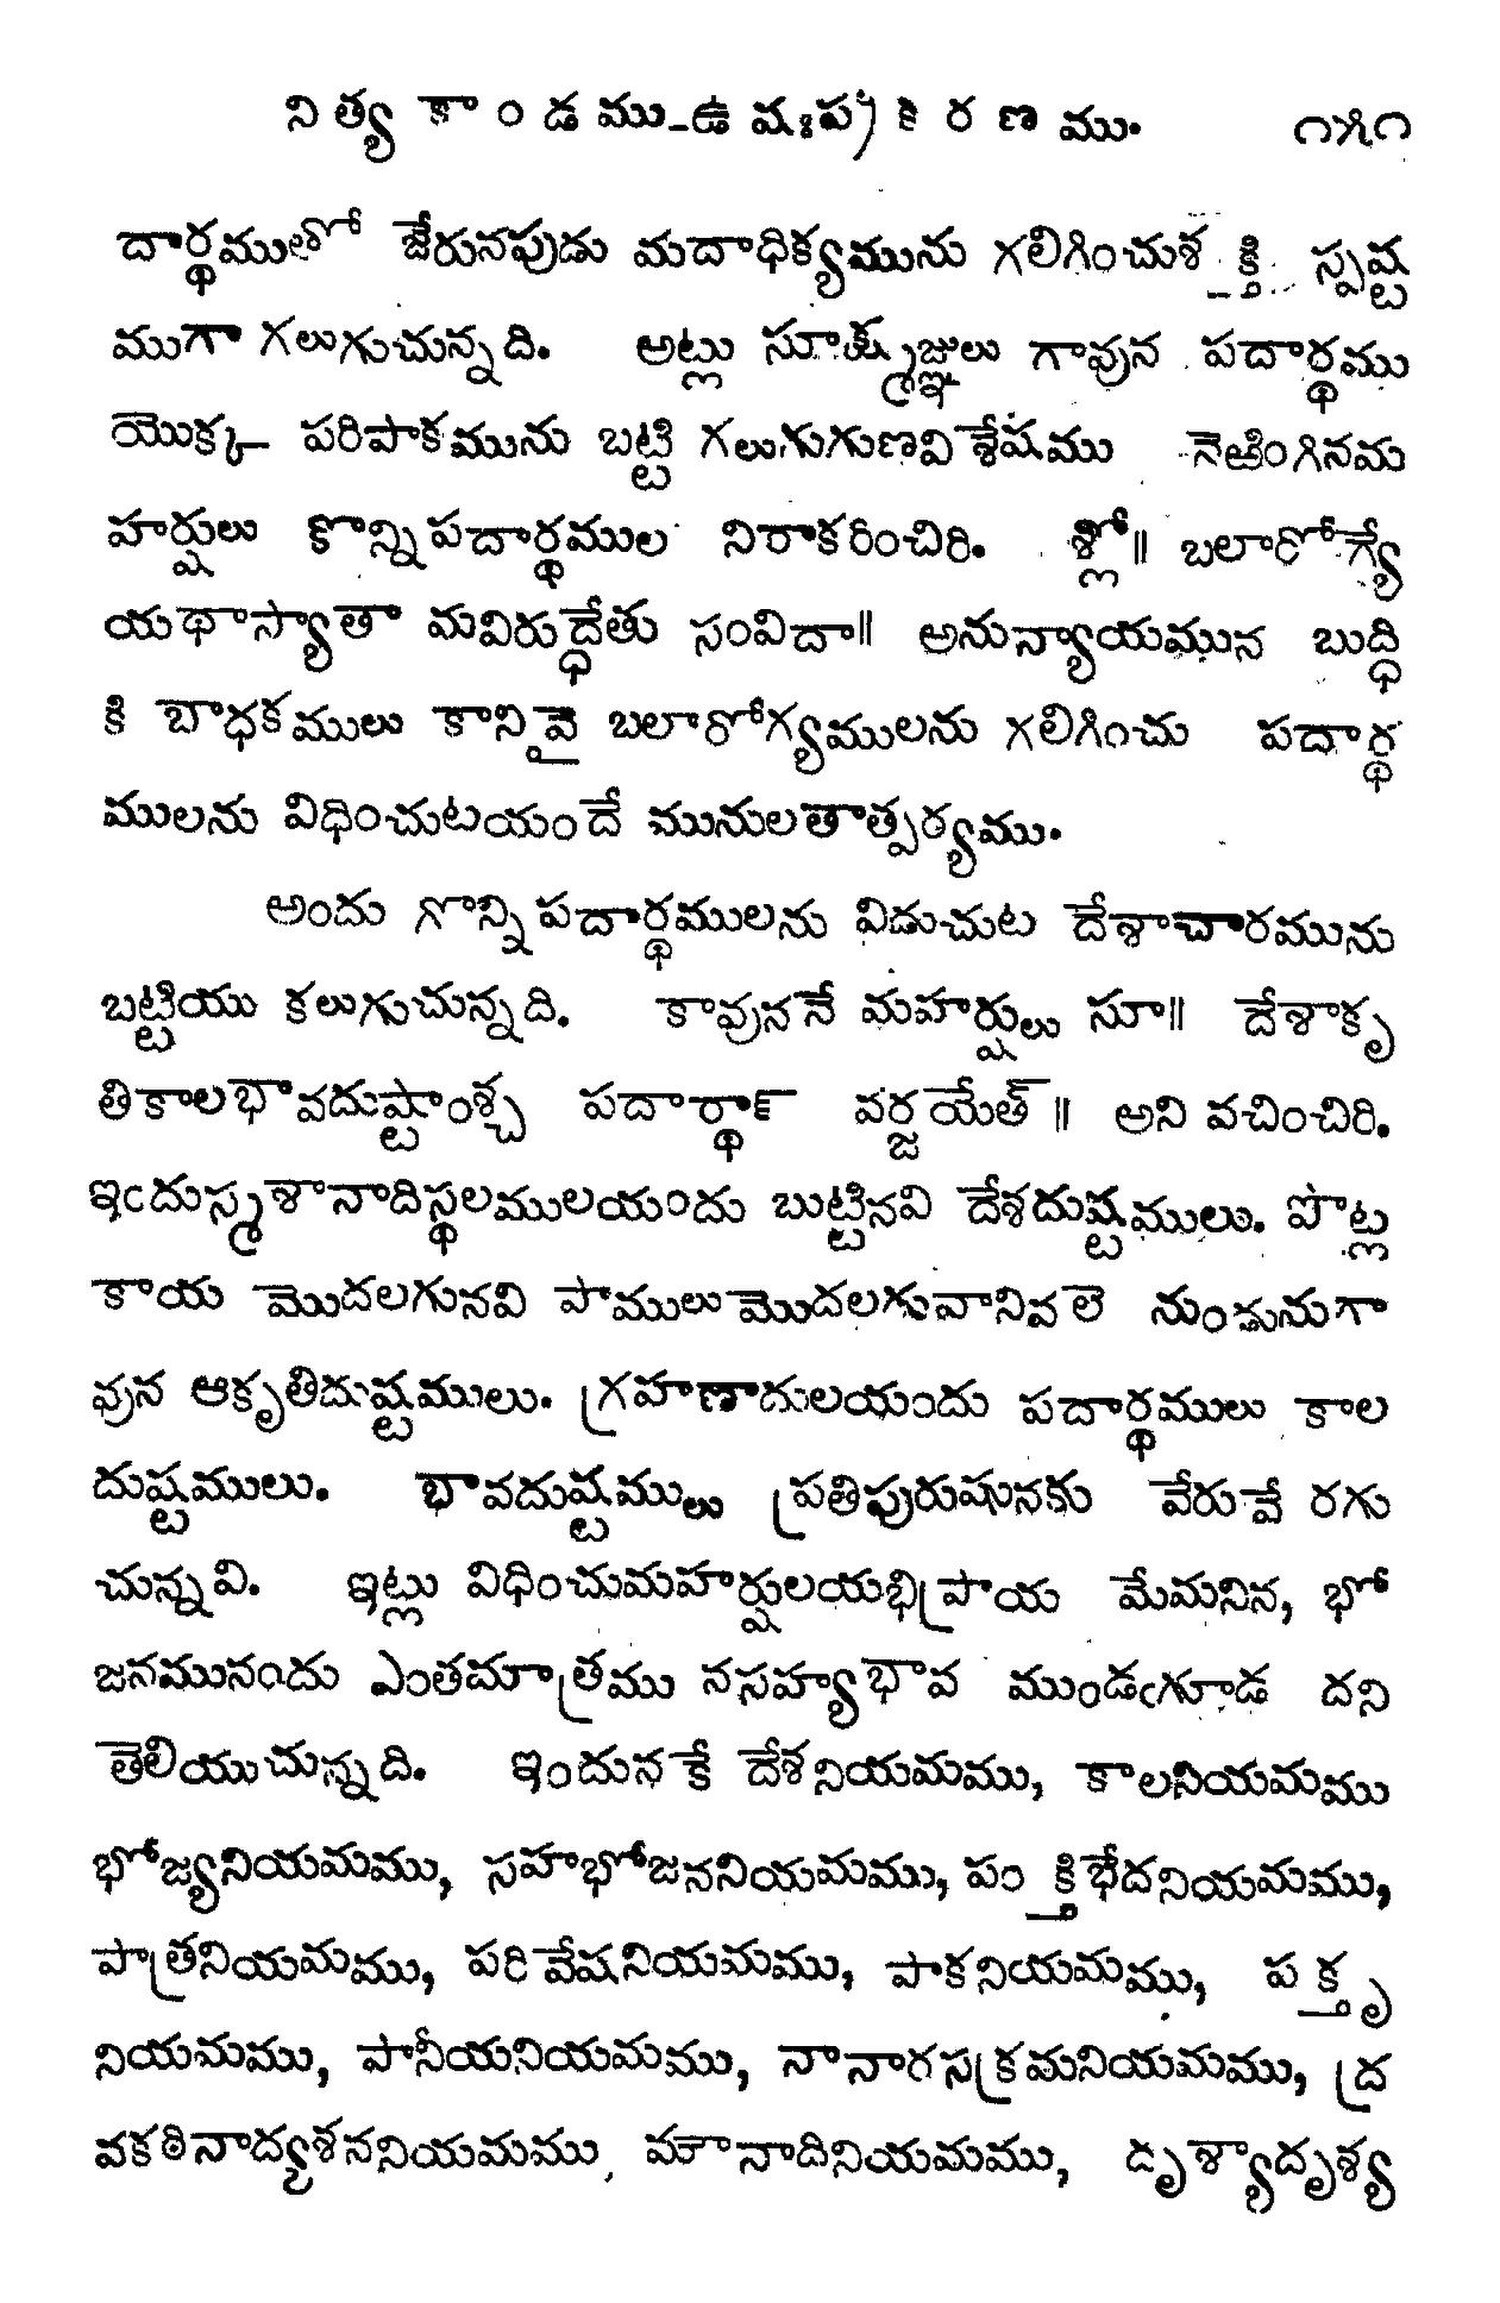దార్థముతో జేరునపుడు మదాధిక్యమును గలిగించుశక్తి స్పష్టముగా గలుగుచున్నది. అట్లు సూక్ష్మజ్ఞులు గావున పదార్థముయొక్క పరిపాకమును బట్టి గలుగుగుణవిశేషము నెఱింగినమహర్షులు కొన్నిపదార్థముల నిరాకరించిరి. శ్లో॥ బలారోగ్యే యథాస్యాతా మవిరుద్ధేతు సంవిదా॥ అనున్యాయమున బుద్ధికి బాధకములు కానివై బలారోగ్యములను గలిగించు పదార్థములను విధించుటయందే మునులతాత్పర్యము.

అందు గొన్నిపదార్థములను విడుచుట దేశాచారమును బట్టియు కలుగుచున్నది. కావుననే మహర్షులు సూ॥ దేశాకృతికాలభావదుష్టాంశ్చ పదార్థాన్ వర్జయేత్ ॥ అని వచించిరి. ఇందుస్మశానాది స్థలములయందు బుట్టినవి దేశదుష్టములు. పొట్లకాయ మొదలగునవి పాములు మొదలగువానివలె నుండునుగావున ఆకృతిదుష్టములు. గ్రహణాదులయందు పదార్థములు కాలదుష్టములు. భావదుష్టములు ప్రతిపురుషునకు వేరువే రగు చున్నవి. ఇట్లు విధించుమహర్షులయభిప్రాయ మేమనిన, భోజనమునందు ఎంతమాత్రము నసహ్యభావ ముండఁగూడ దని తెలియుచున్నది. ఇందునకే దేశనియమము, కాలనియమము భోజ్యనియమము, సహభోజననియమము, పంక్తిభేదనియమము, పాత్రనియమము, పరివేషనియమము, పాకనియమము, పక్తృనియమము, పానీయనియమము, నానారసక్రమనియమము, ద్రవకఠినాద్యశననియమము, మౌనాదినియమము, దృశ్యాదృశ్య